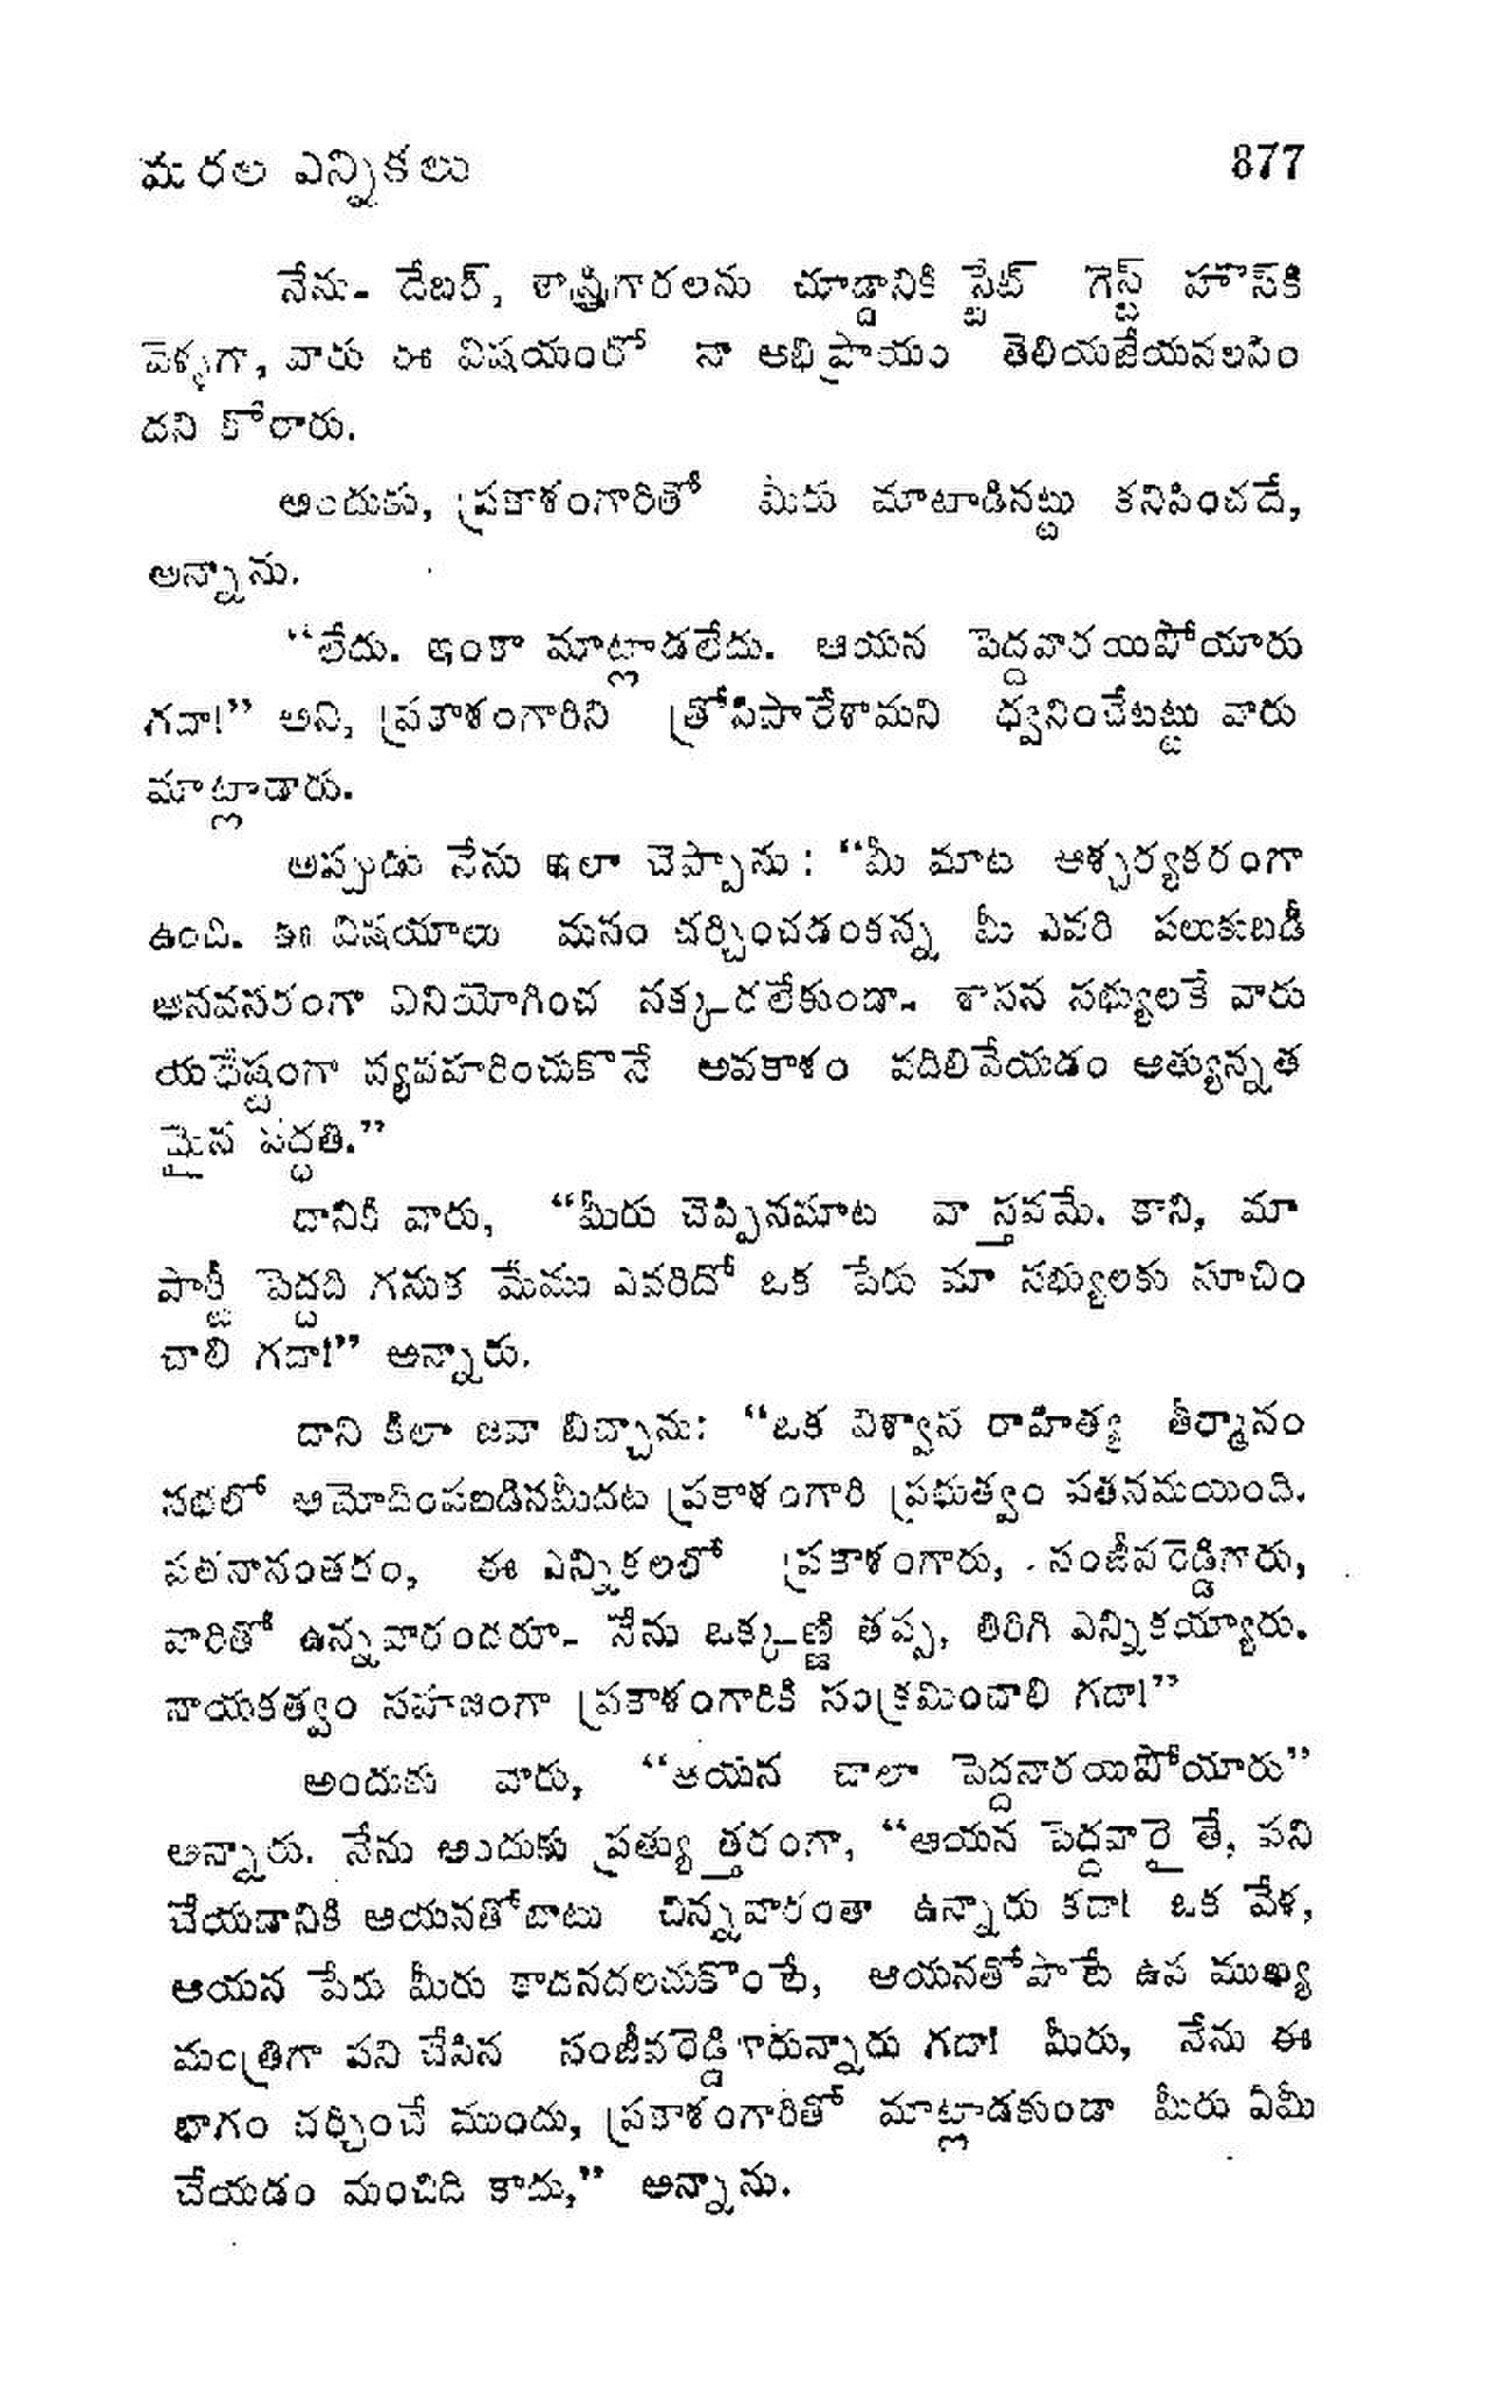నేను - దేబర్, శాస్త్రిగారలను చూడ్డానికి స్టేట్ గెస్ట్ హౌస్‌కి వెళ్ళగా, వారు ఈ విషయంలో నా అభిప్రాయం తెలియజేయ వలసిందని కోరారు.

అందుకు, ప్రకాశంగారితో మీరు మాటాడినట్టు కనిపించదే, అన్నాను.

"లేదు, ఇంకా మాట్లాడలేదు. ఆయన పెద్దవారయిపోయారు గదా!" అని, ప్రకాశంగారిని త్రోసిపారేశామని ధ్వనించేటట్టు వారు మాట్లాడారు.

అప్పుడు నేను ఇలా చెప్పాను: "మీ మాట ఆశ్చర్యకరంగా ఉంది. ఈ విషయాలు మనం చర్చించడంకన్న మీ ఎవరి పలుకుబడీ అనవసరంగా వినియోగించ నక్కరలేకుండా - శాసన సభ్యులకే వారు యధేష్టంగా వ్యవహరించుకొనే అవకాశం వదిలివేయడం అత్యున్నతమైన పద్దతి."

దానికి వారు, "మీరు చెప్పినమాట వాస్తవమే. కాని, మా పార్టీ పెద్దది గనుక మేము ఎవరిదో ఒక పేరు మా సభ్యులకు సూచించాలి గదా!" అన్నారు.

దాని కిలా జవా బిచ్చాను: "ఒక విశ్వాస రాహిత్య తీర్మానం సభలో ఆమోదింపబడినమీదట ప్రకాశంగారి ప్రభుత్వం పతనమయింది. పతనానంతరం, ఈ ఎన్నికలలో ప్రకాశంగారు, సంజీవరెడ్డిగారు, వారితో ఉన్నవారందరూ - నేను ఒక్కణ్ణి తప్ప, తిరిగి ఎన్నికయ్యారు. నాయకత్వం సహజంగా ప్రకాశంగారికి సంక్రమించాలి గదా!"

అందుకు వారు, "ఆయన చాలా పెద్దవారయిపోయారు" అన్నారు. నేను అందుకు ప్రత్యుత్తరంగా, "ఆయన పెద్దవారైతే, పనిచేయడానికి ఆయనతోబాటు చిన్నవారంతా ఉన్నారు కదా! ఒక వేళ, ఆయన పేరు మీరు కాదనదలచుకొంటే, ఆయనతోపాటే ఉప ముఖ్య మంత్రిగా పని చేసిన సంజీవరెడ్డిగారున్నారు గదా! మీరు, నేను ఈ భాగం చర్చించే ముందు, ప్రకాశంగారితో మాట్లాడకుండా మీరు ఏమీ చేయడం మంచిది కాదు," అన్నాను.